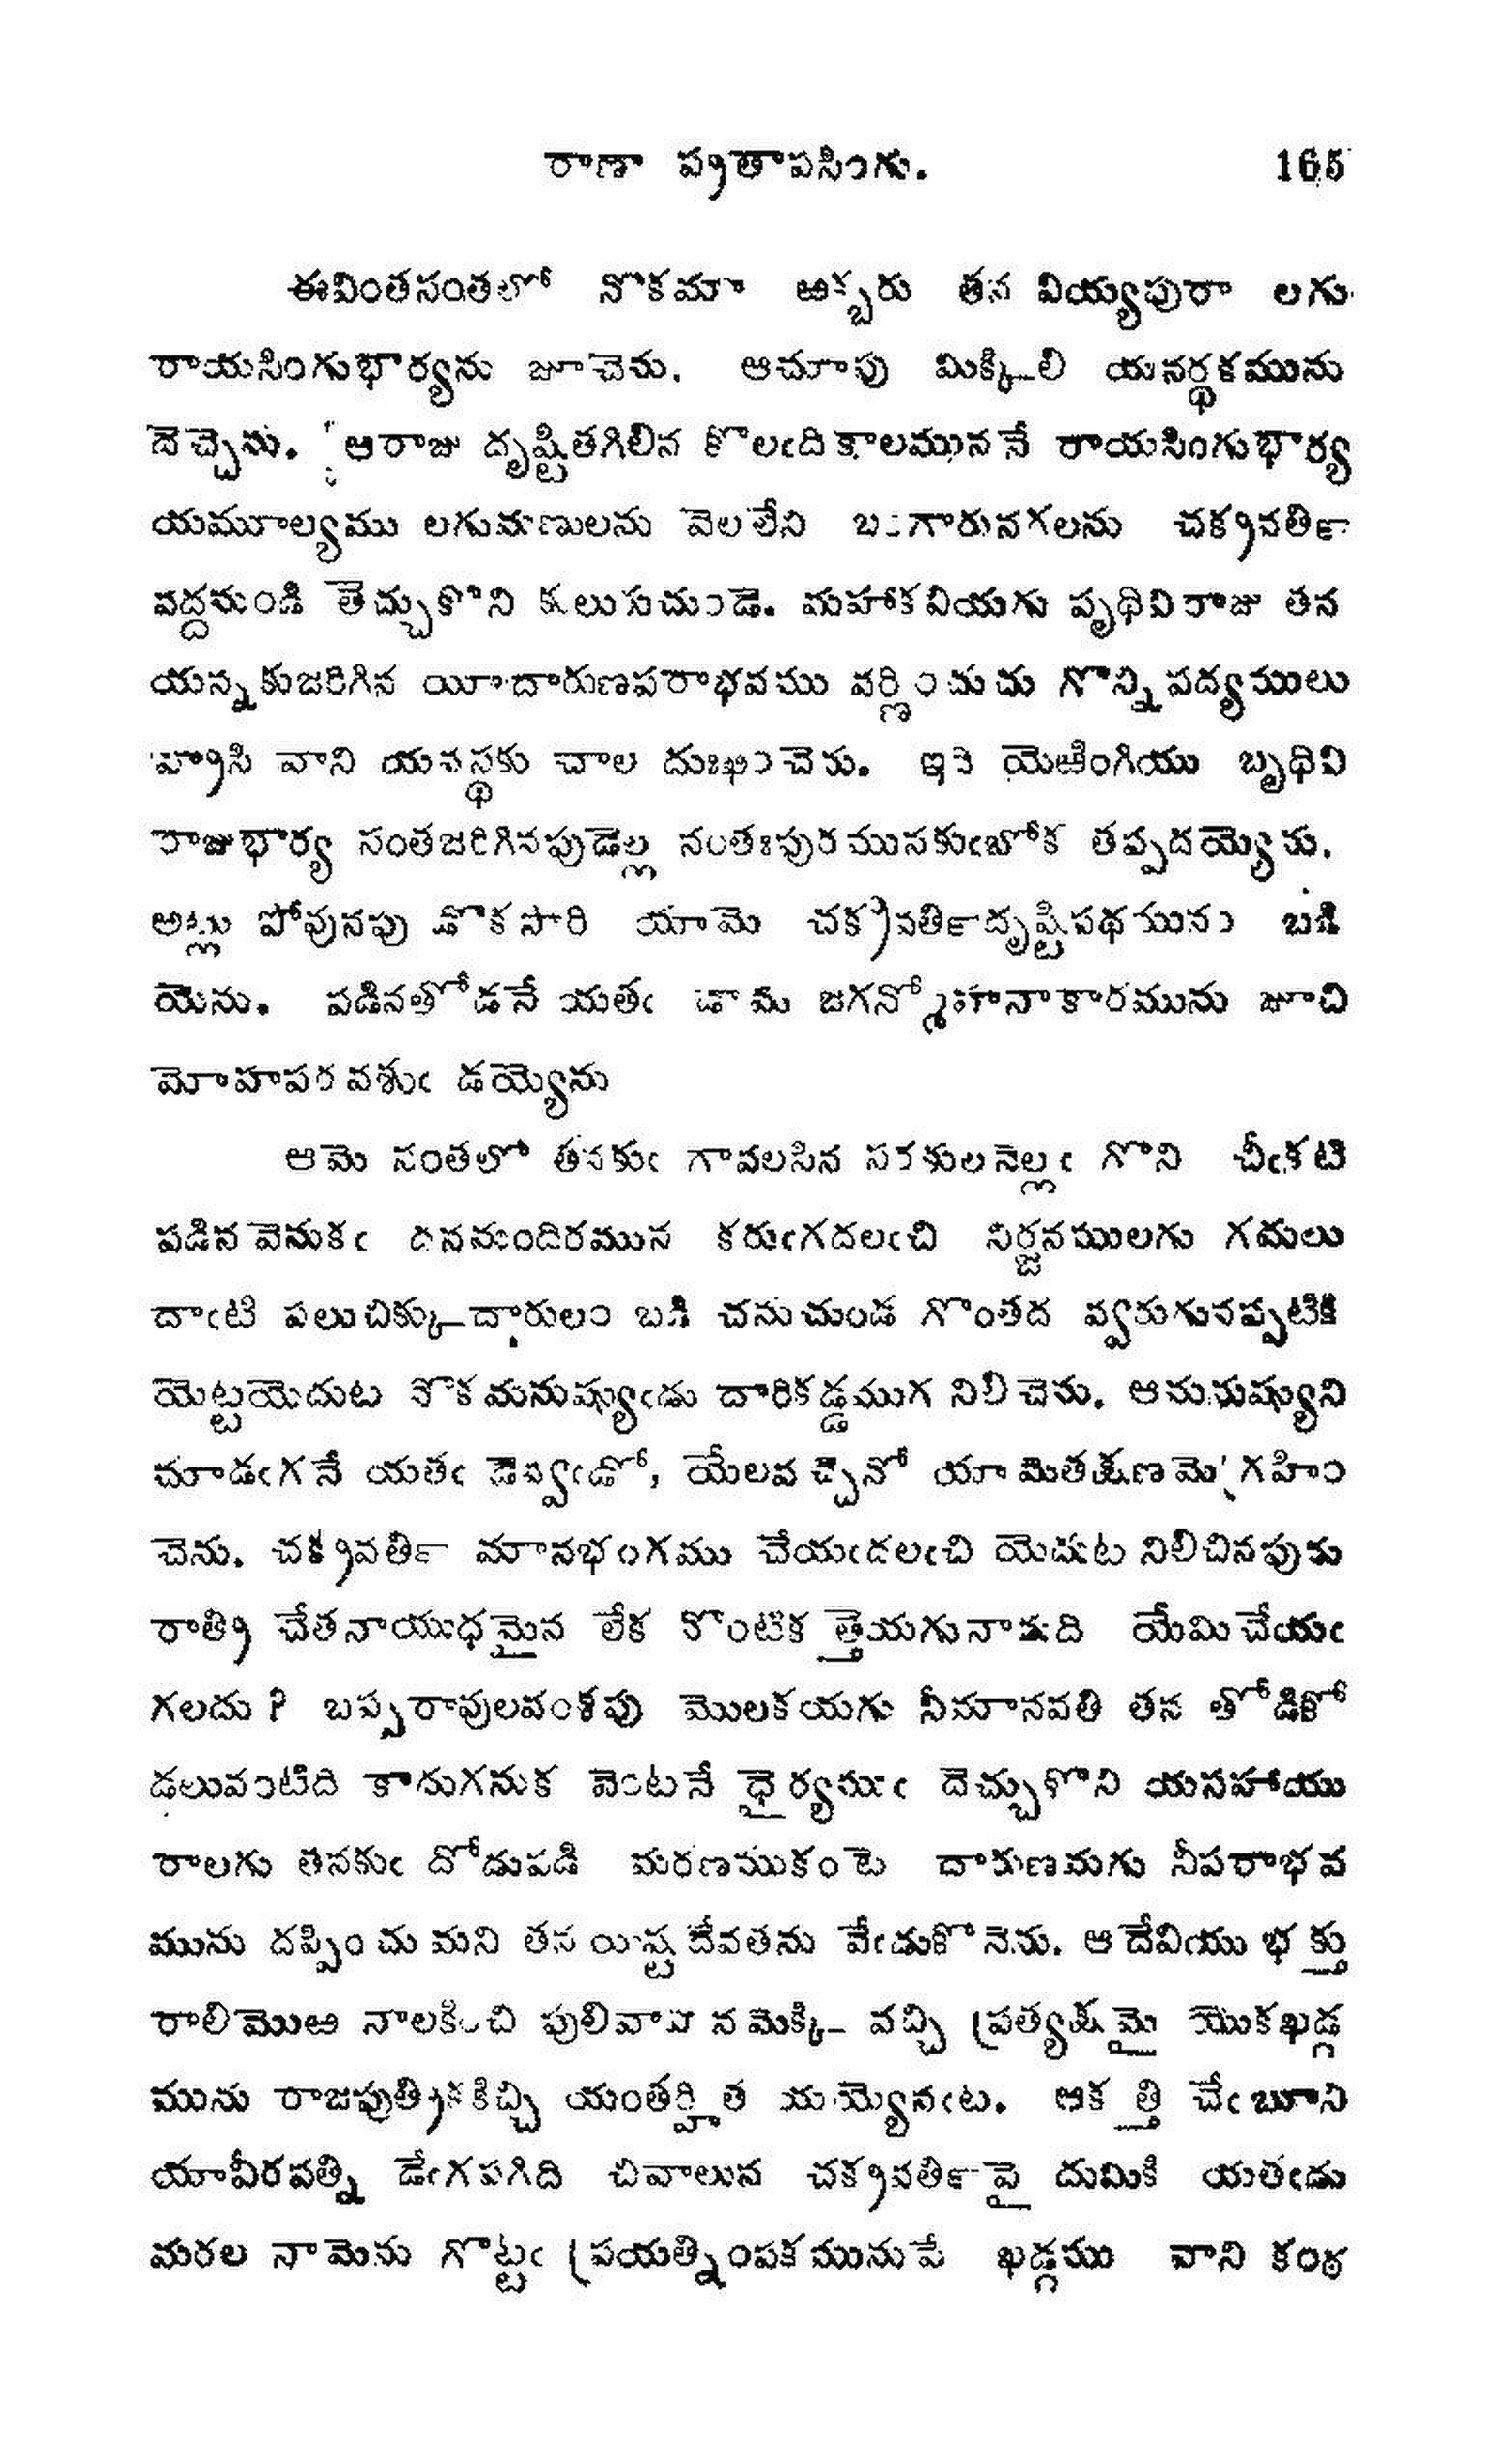ఈవింత సంతలో నొకమా ఱక్బరు తన వియ్యపురాలగు రాయసింగు భార్యను జూచెను, ఆచూపు మిక్కిలి యనర్థకమును దెచ్చెను. ఆరాజు దృష్టి తగిలిన కొలఁది కాలముననే రాయసింగు భార్య యమూల్యము లగుమణులను వెల లేని బంగారు నగలను చక్రవతి౯ వద్దనుండి తెచ్చుకొని కులుకుచుండె. మహాకవియగు పృథివి రాజు తన యన్నకుజరిగిన యీ దారుణ పరాభవము వర్ణించుచు గోన్ని పద్యములు
వ్రాసి వాని యవస్థకు చాల దుఃఖించెను. ఇది యెఱింగియు బృథివిరాజు భార్య సంత జరిగినపుడెల్ల నంతఃపురమునకుఁబోక తప్పదయ్యెను, అట్లు పోవునపు డోకసారి యామె చక్రవతి౯ దృష్టి పథమునం బడియెను. పడినతోడనే యతఁ డామె జగన్మోహనాకారమును జూచి మోహపరవశుఁ డయ్యెను.

ఆమె సంతలో తనకుఁ గావలసిన సరకుల నెల్లఁ గొని చీఁకటి పడిన వెనుకఁ దనమందిరమున కరుఁగదలఁచి నిర్జనములగు గదులు దాఁటి పలు చిక్కు దారులం బడి చనుచుండ గొంతదవ్వరుగునప్పటికీ యెట్టయెదుట నోక మనుష్యుఁడు దారికడ్డముగ నిలిచెను. ఆమనుష్యుని చూడఁగనే యతఁ డెవ్వఁడో, యేలవచ్చినో యామెతక్షణమె గ్రహించెను. చక్రవతి౯ మానభంగము చేయఁదలఁచి యెదుట నిలిచినపుడు రాత్రి చేతనాయుధమైన లేక నోంటికత్తెయగు నాడుది యేమి చేయఁ గలదు? బప్పరావులవంశపు మొలకయగు నీమానవతి తన తోడికోడలువంటిది కాదుగనుక వెంటనే ధైర్యముఁ దెచ్చుకొని యసహాయురాలగు తనకుఁ దోడుపడి మరణముకంటె దారుణమగు నీపరాభవమును దప్పించు మని తన యిష్ట దేవతను వేఁడుకోనెను. ఆ దేవియు భక్తురాలి మొఱ నాలకించి పులివాహన మెక్కి వచ్చి ప్రత్యక్షమై యొక ఖడ్గమును రాజపుత్రిక కిచ్చి యంతర్హిత యయ్యెనఁట. ఆకత్తి చేఁ బూని యావీరపత్ని డేఁగపగిది చివాలున చక్రవతి౯పై దుమికి యతఁడు మరల నామెను గొట్టఁ ప్రయత్నింపక మునుపే ఖడ్గము వాని కంఠ